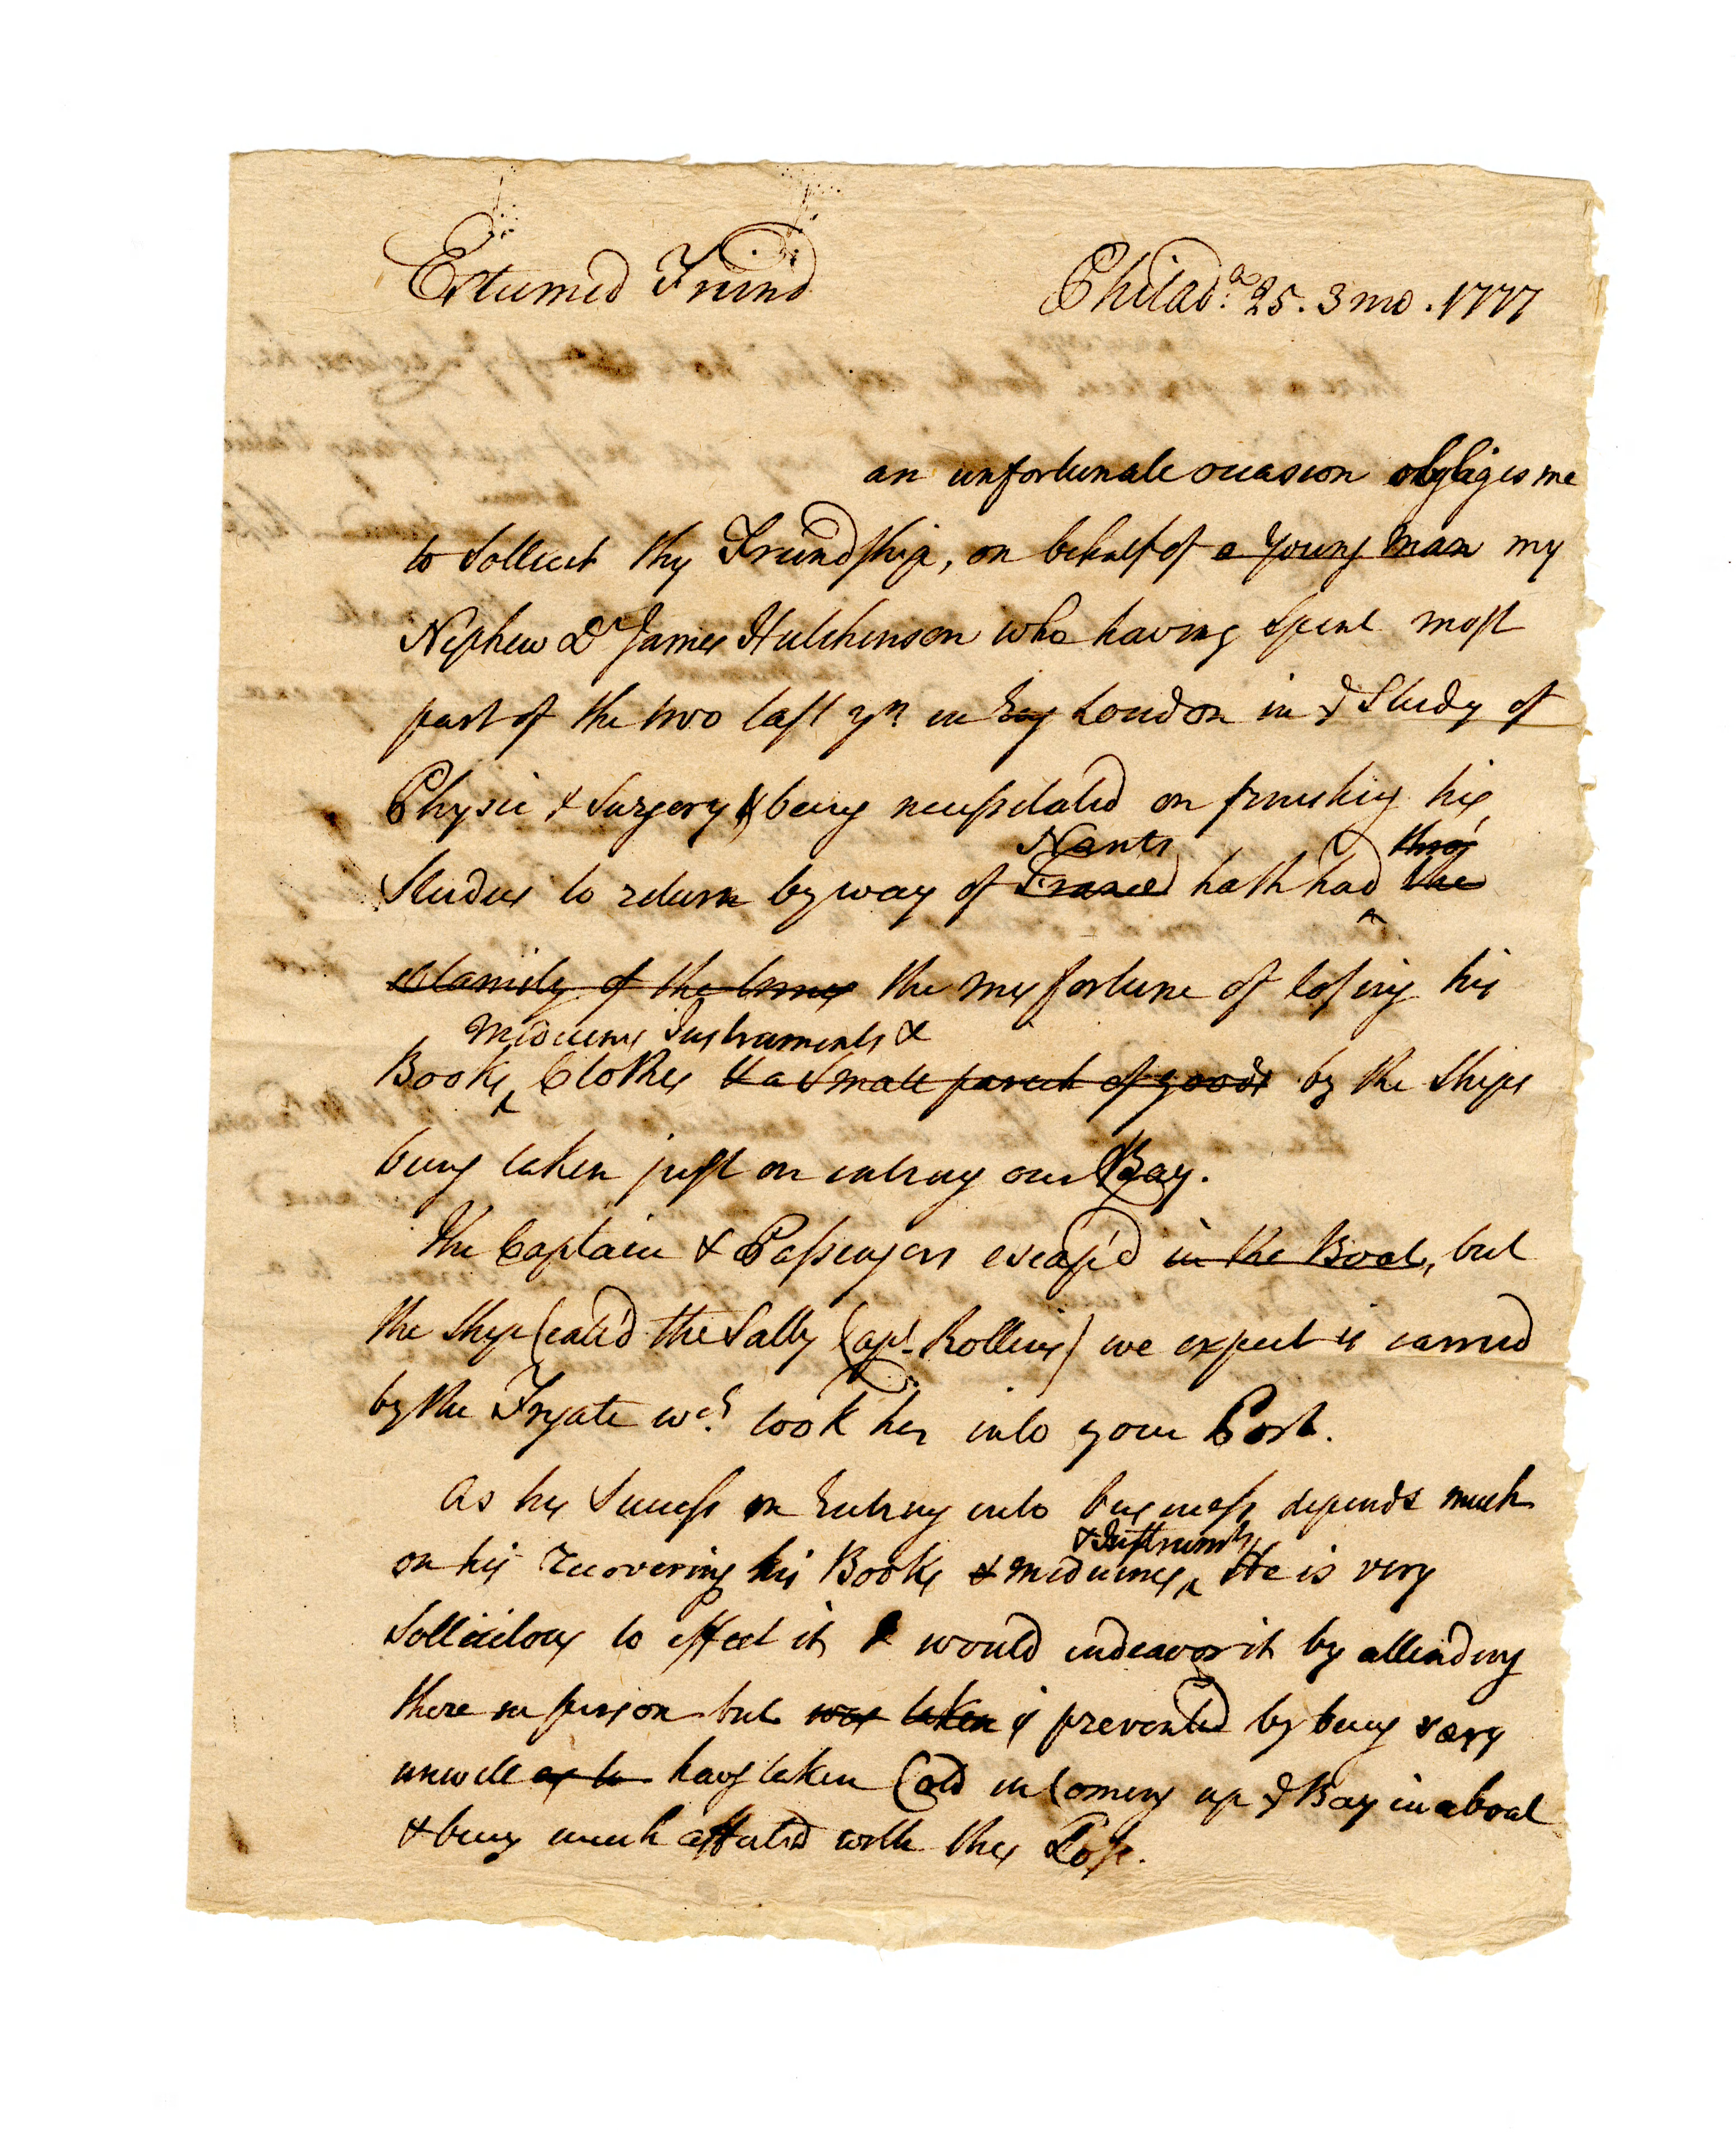Philad^a: 25. 3 mo. 1777
Esteemed Friend
an unfortunate occasion obliges me
to Sollicit thy Friendship, on behalf of a young man my
Nephew D^r James Hutchinson who having spent most
part of the two last y^r. in Eng London in y^e Study of
Physic & Surgery & being necessitated on finishing his
Nants
Studies to return by way of [France] hath had [the]
[Calamity of the Imme] the misfortune of losing his
medicines Instruments &
Books ^ Clothes [& a small parcel of goods] by the Ships
being taken just on entrng our Bay
The Captain & Passengers escap'd [in the Boat], but
the ship (call'd the Sally Cap^t. Rollins) we expect is carried
by the Frigate w^ch. took her into your Port.
As his Success on Entry into Business depends much
& Instrum^ts
on his recovering his Books & Medicines ^ He is very
Sollicitous to effect it & would indeavor it by attending
there in person but is prevented by being very
unwell [as he] havg taken Cold in coming up y^e Bay in a boat
& being much affected with the Loss.